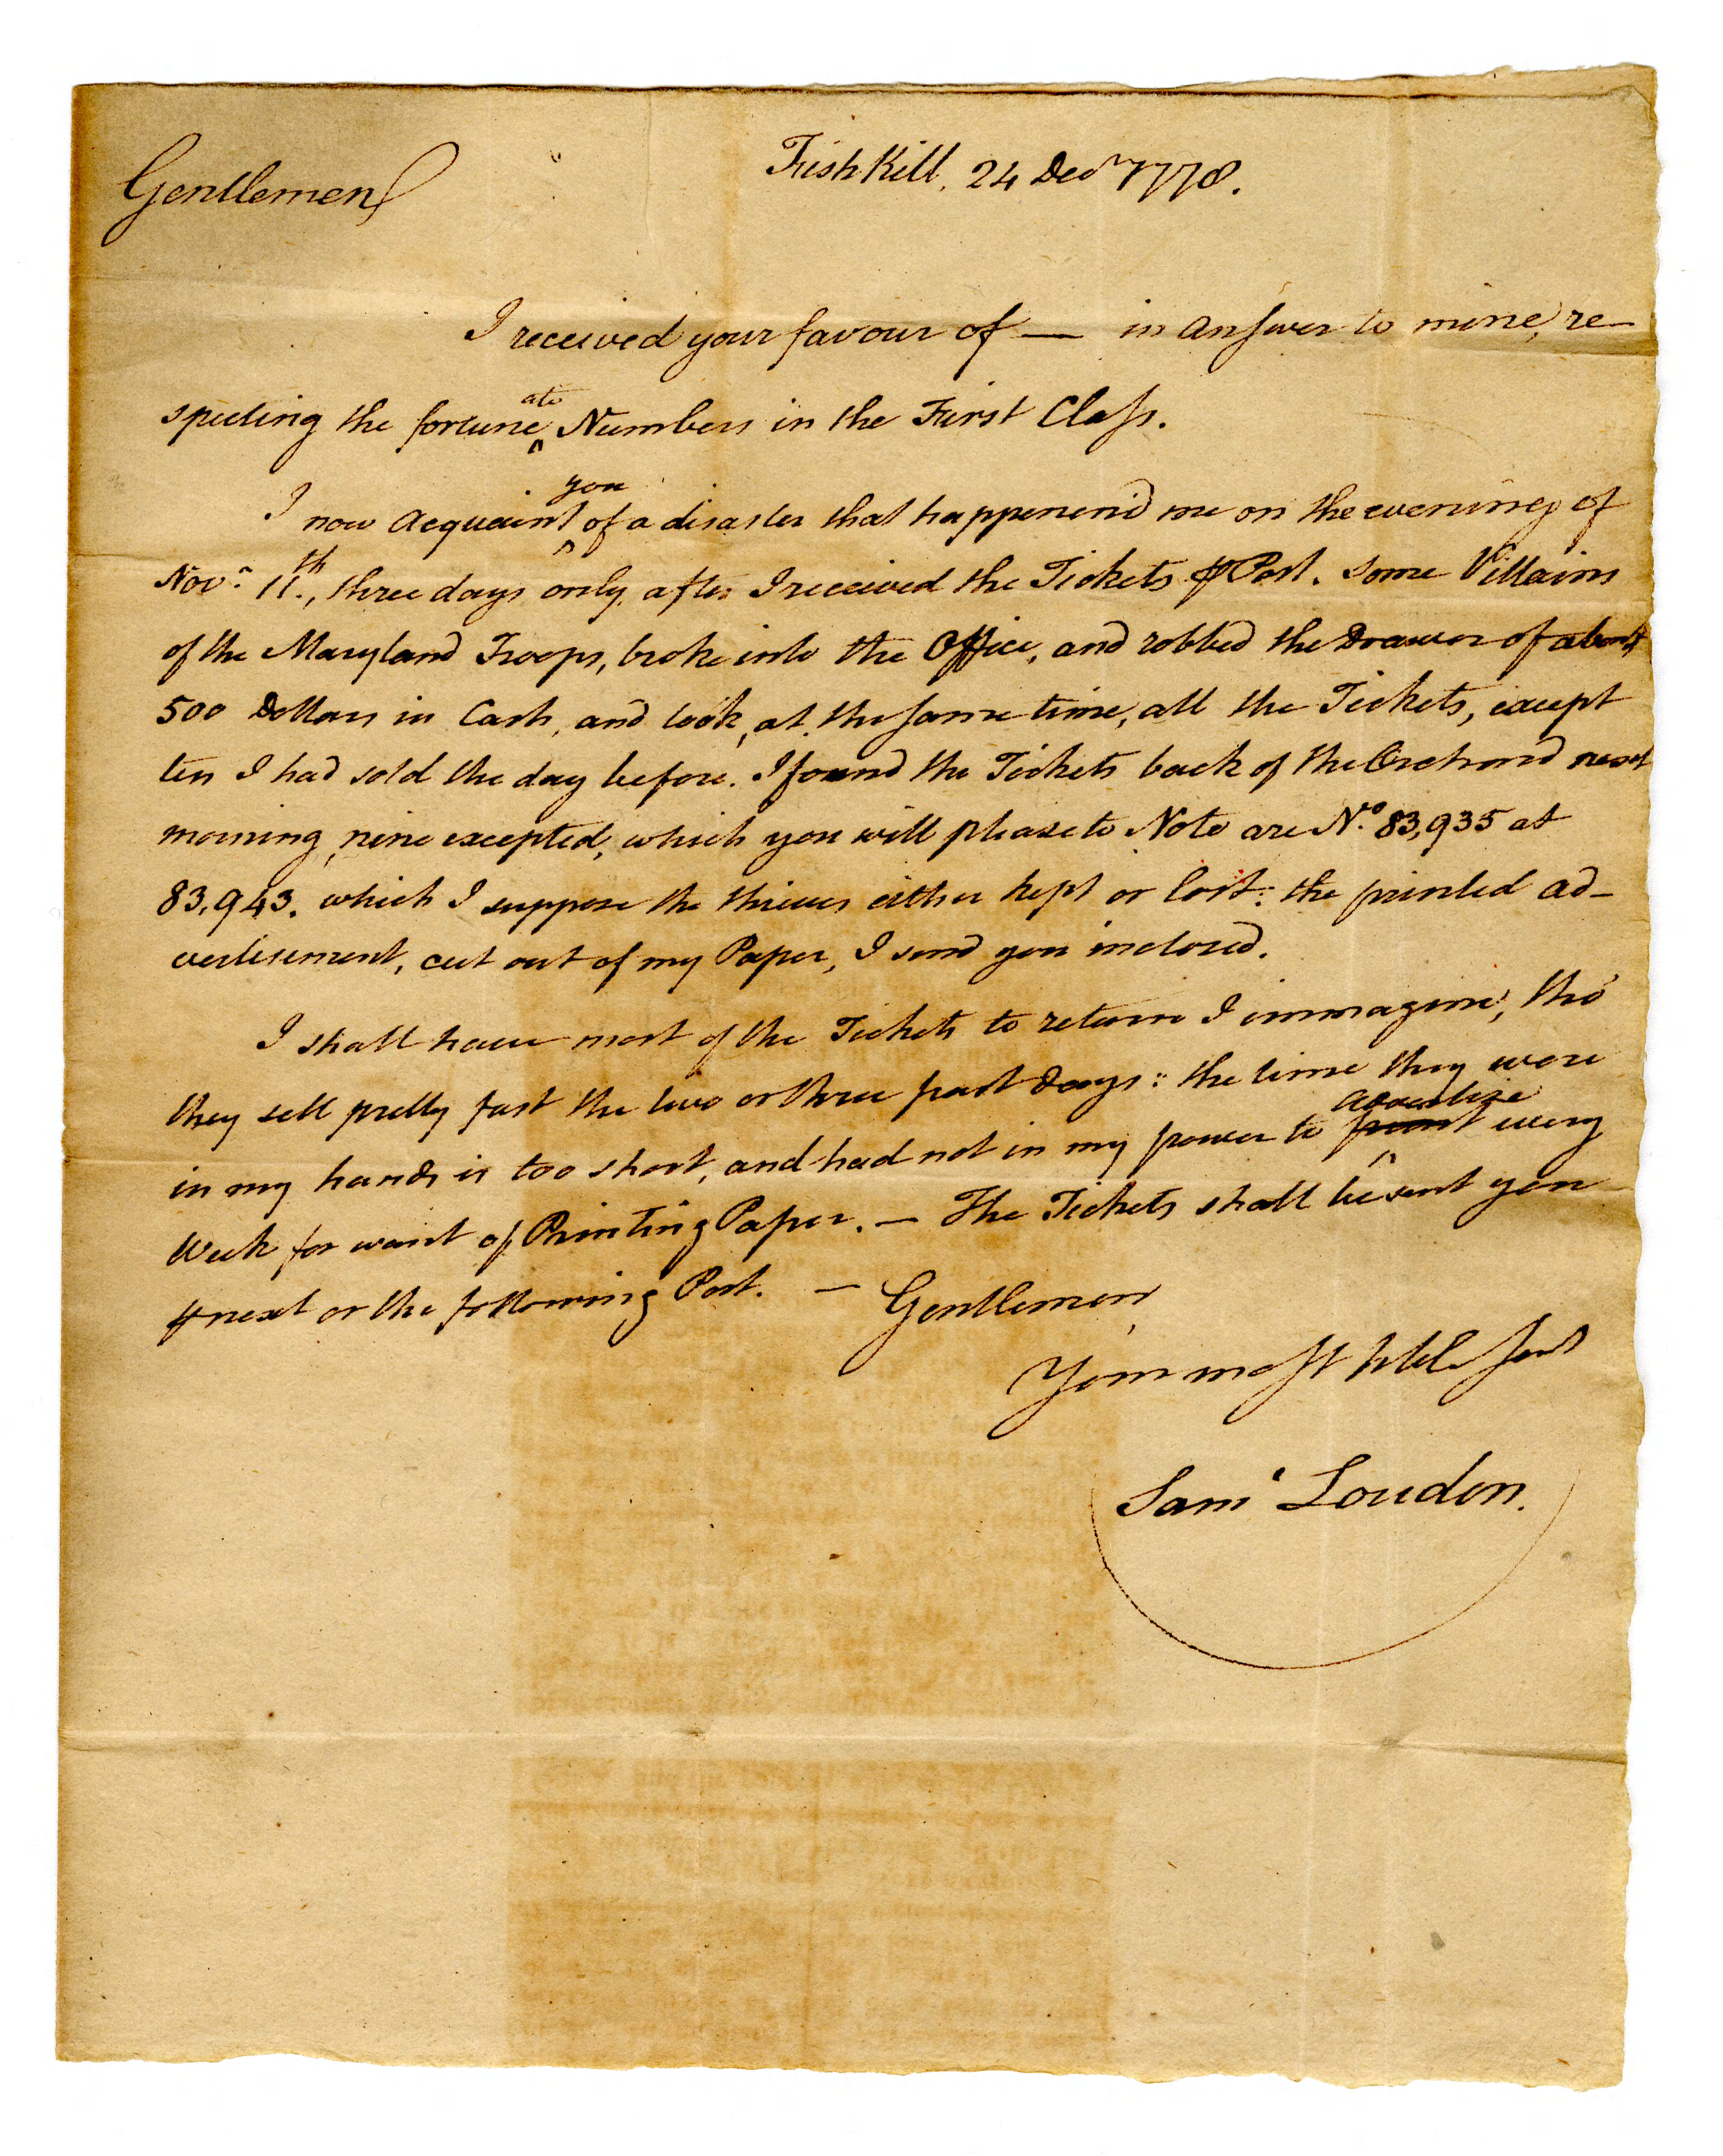FishKill 24 Dec^r 1778.
Gentlemen
I received your favour of- in answer to mine, re-
specting the fortune^ate Numbers in the First Class.
I now acquaint ^ of a disaster that happened me on the evening of
you
Nov^r. 11.^th, three days only after I received the Tickets per Parl. some Villains
of the Maryland Troops, broke into the Office, and robbed the Drawer of about
500 dollars in cash and took, at the same time, all the Tickets, except
ten I had sold the day before. I found the Tickets back of the Orchard next
morning, nine excepted, which you will please to Note are N^o. 83,935 at
83,943. which I suppose the thieves either kept or lost: the printed ad-
vertisement cut out of my Paper, I send you inclosed.
I shall have most of the Tickets to return I imagine, tho'
they sell pretty fast the five or three past days: the time they were
aoaulize
in any hands is too short, and had not in my power to ^ every
week for want of Printing Paper.- The Tickets shall be sent you
y next or the following Post.
Gentlemen,
your most hbl. Servt
Sam^l Loudon.